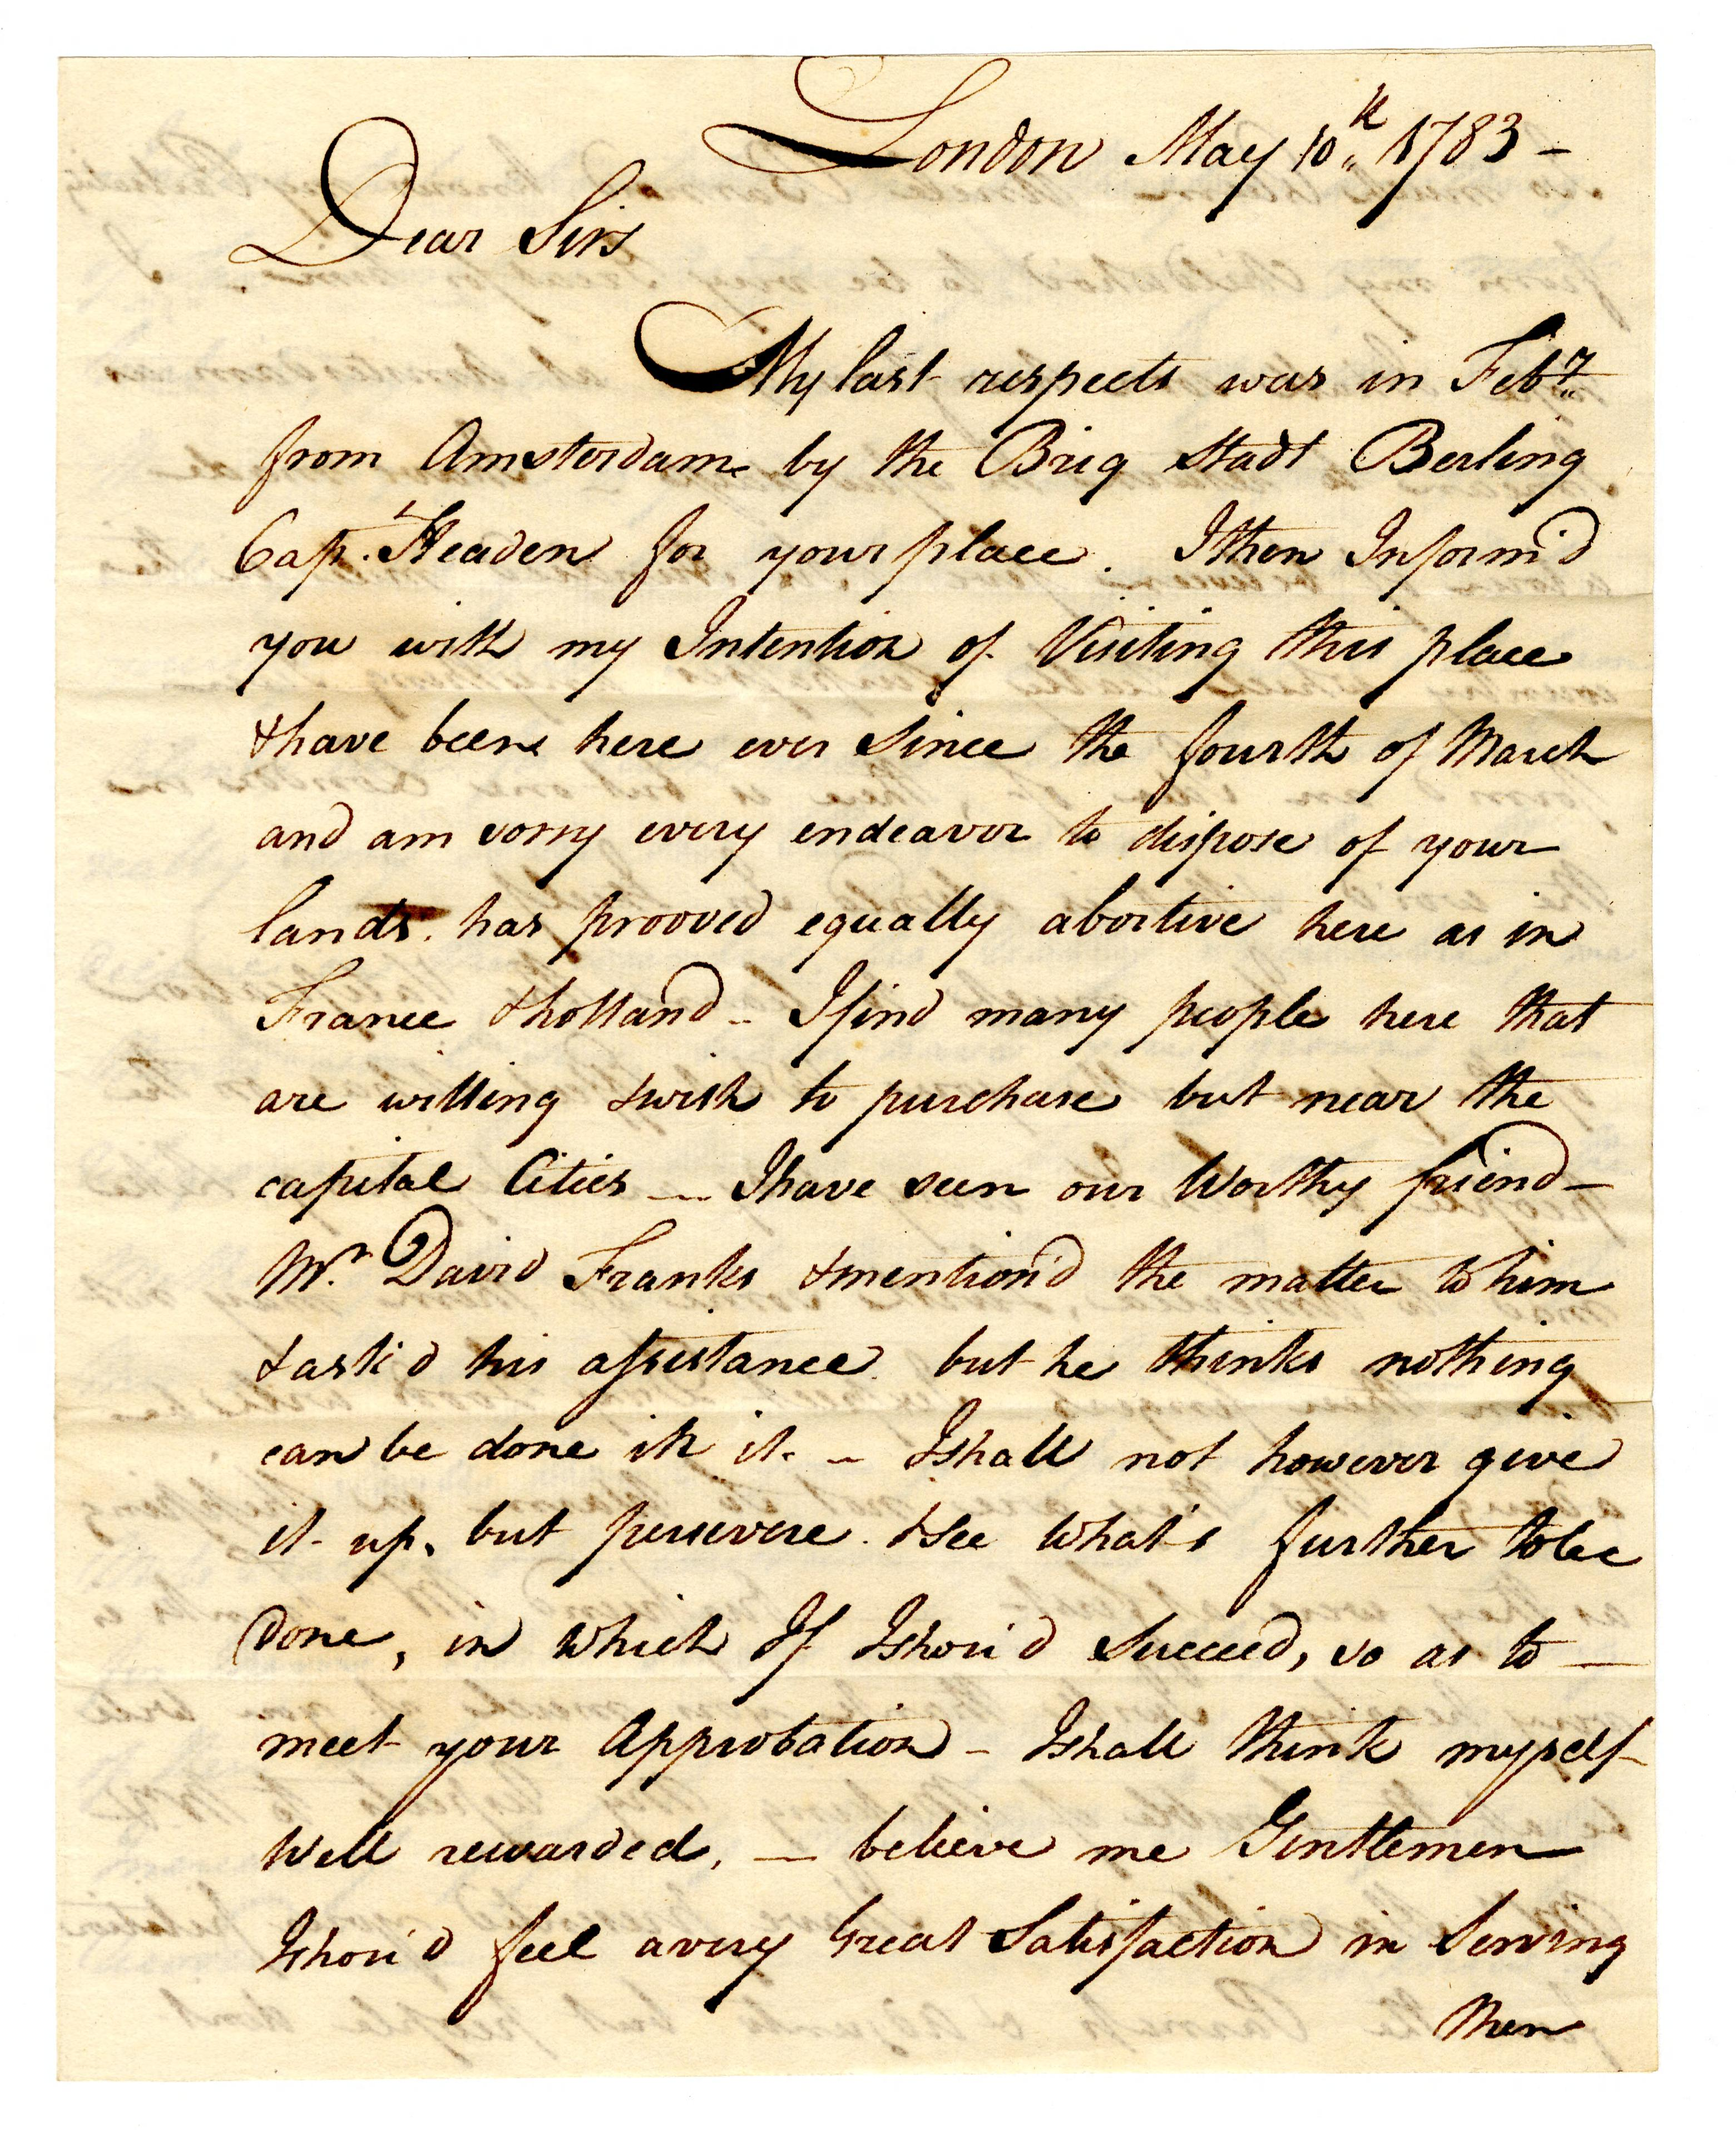London May 10^th, 1783
Dear Sirs
My last respects was in Feb^y
from Amsterdam by the Brig Stadt Berling
Capt. Steaden for your place. I then Inform'd
you with my Intention of Visiting this place
& have been here ever since the fourth of March
and am sorry every endeavor to dispose of your
lands has prooved equally abortive here as in
France & holland. I find many people here that
are willing & wish to purchase but near the
capital Cities- I have seen our Worthy friend-
M^r. David Franks & mention'd the matter to him
& ask'd his assistance. but he thinks nothing
can be done in it.- I shall not however give
it up, but persevere. & see what's further to be
done, in which of I shou'd succeed, so as to
meet your approbation- I shall think myself
well rewarded.- believe me Gentlemen
shou'd feel a very great Satisfaction in Serving
Men